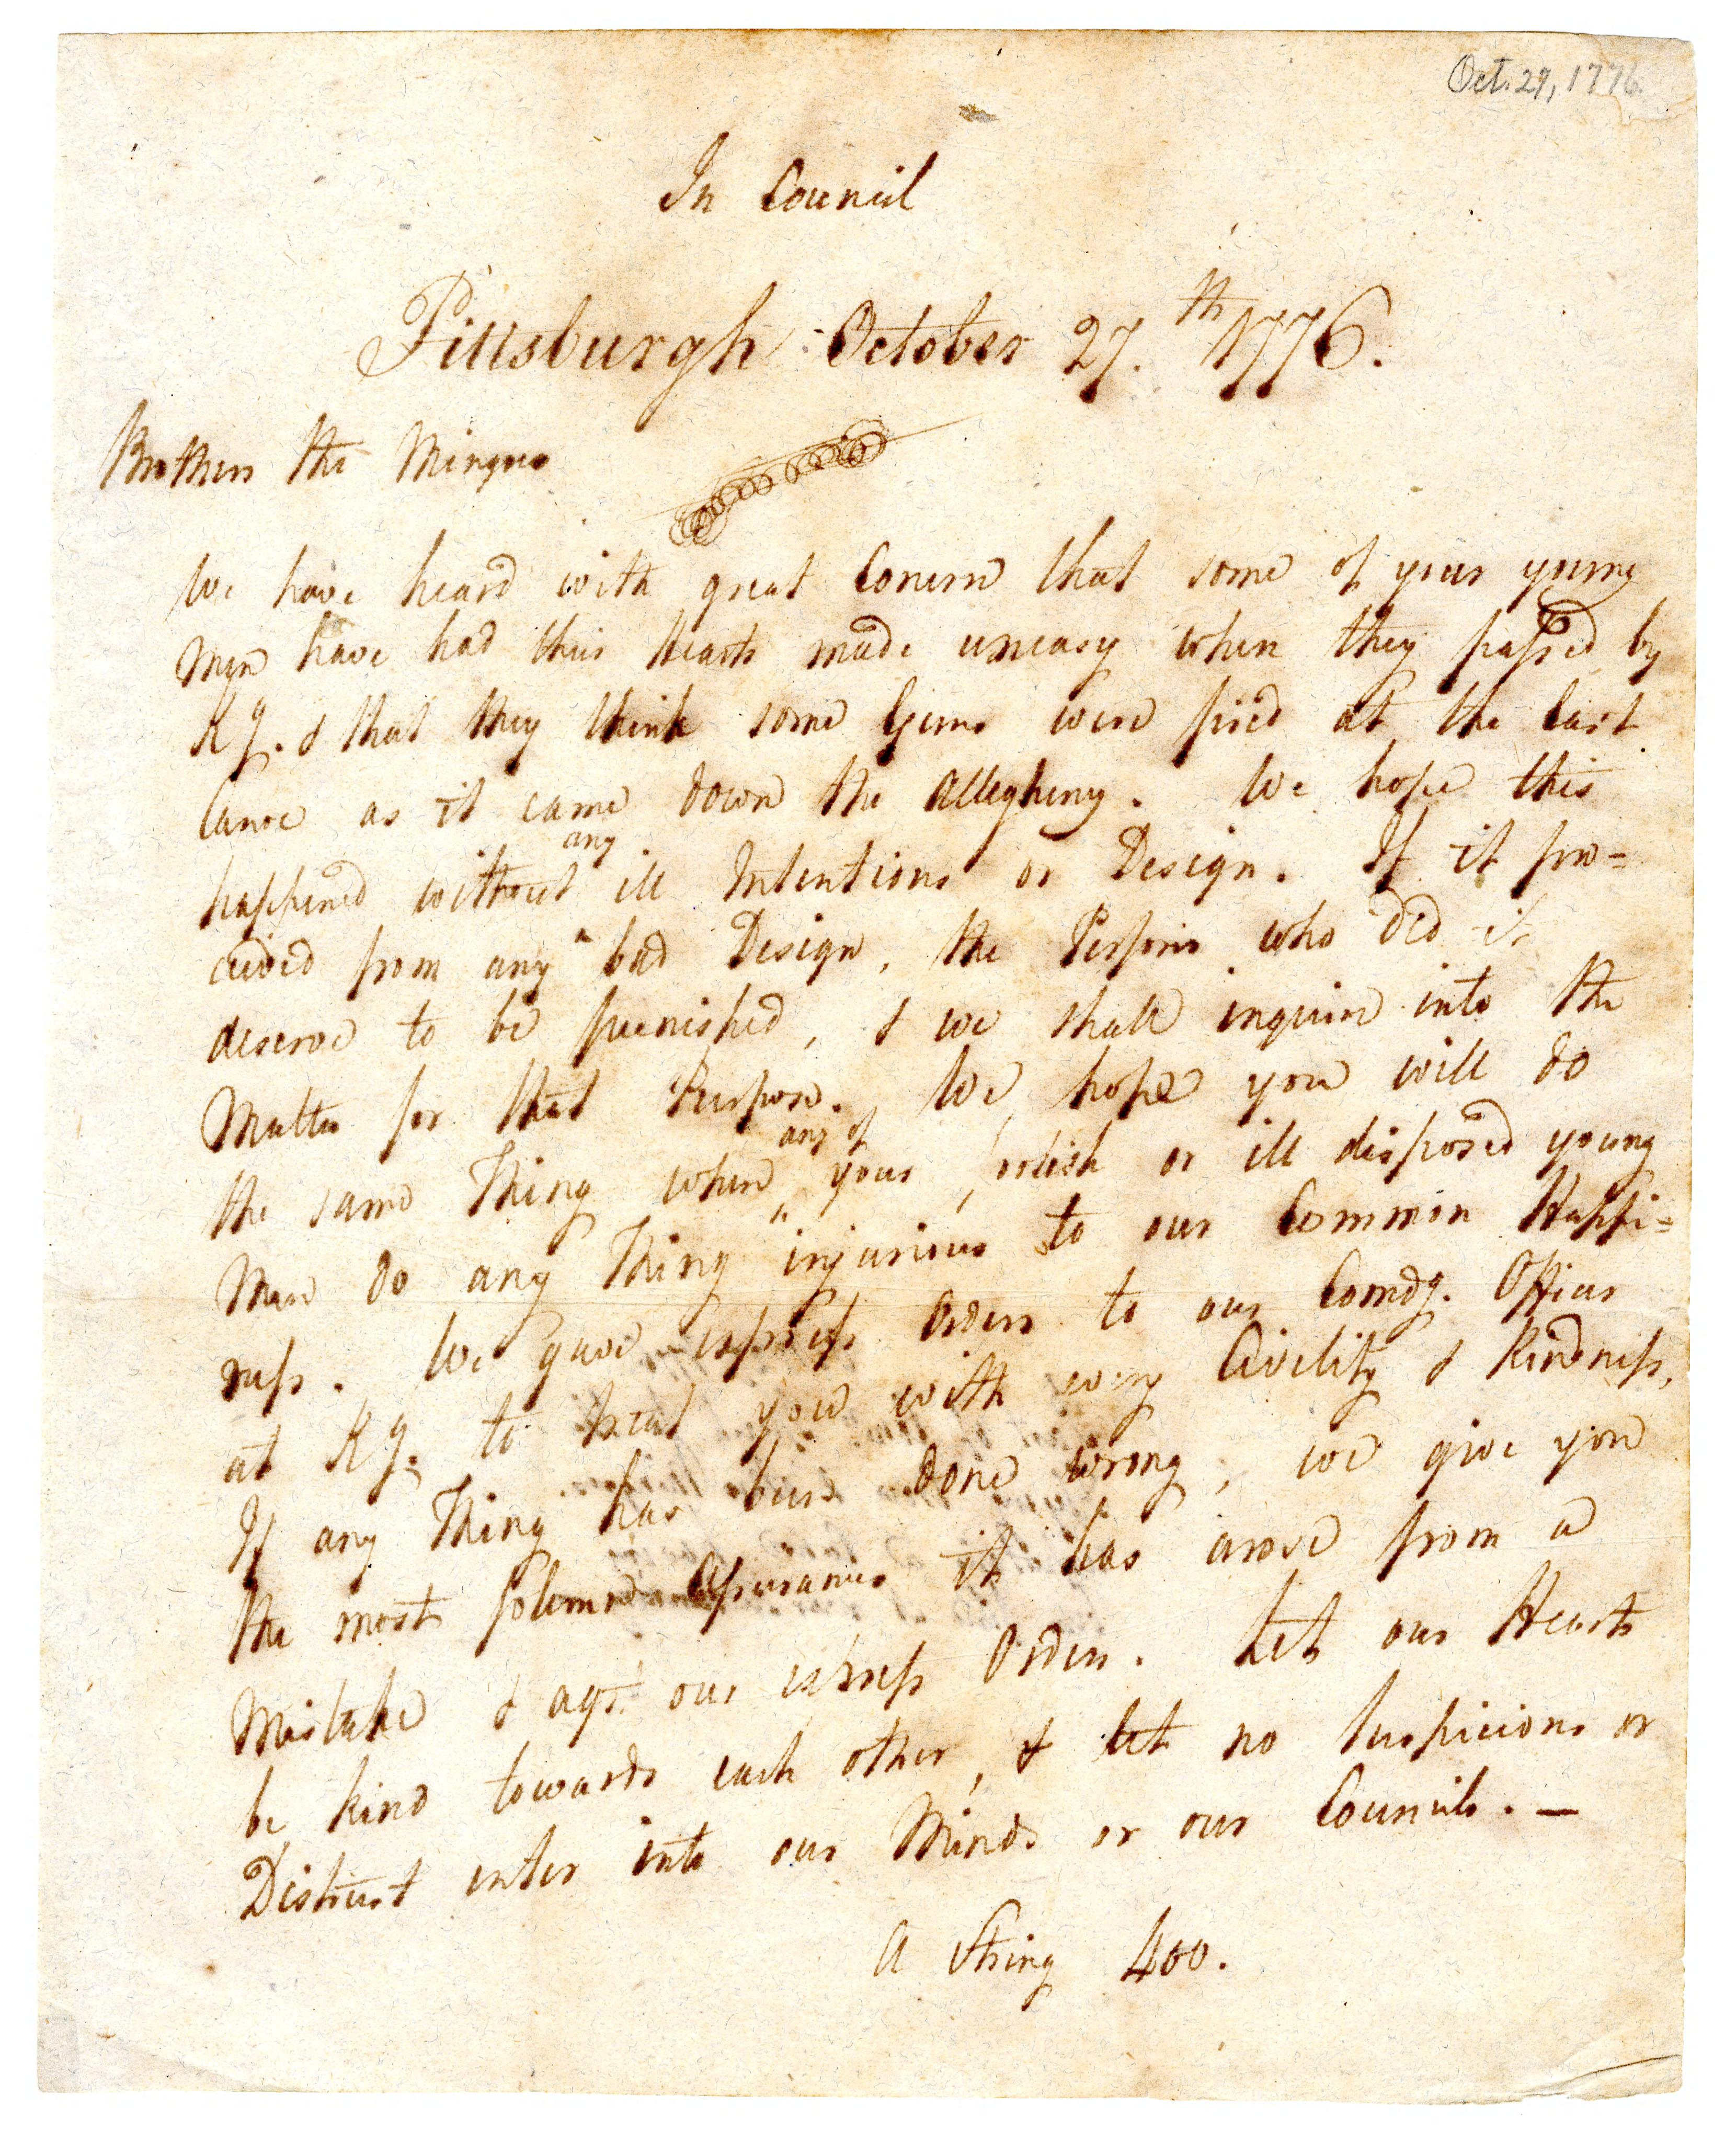In Council
Pittsburgh October 27.^th 1776.
Brothers the Mingoes
We have heard with great Concern that some of your young
Men have had their Hearts made uneasy when they passed by
K^g & that they think some Guns were spied at the last
Canoe as it came down the Allegheny. We hope this
any
happened without^ ill Intentions or Design. If it pro-
ceded from any bad Design, the Person who did so
deserved to be punished, & we shall inquire into the
Matter for that Purpose. We hope you will do
any of
the same Thing when^ your foolish or ill disposed young
Men do any thing injurious to our Common Happi-
ness. We gave express Orders to our Comd^g. Officer
at K^g. to treat you with every Civility & Kindness.
If any Thing has been done wrong, we give you
the most Solemn Assurances it has arose from a
Mistake & agst our express Orders. Let our Hearts
be kind towards each other, & let no Suspicions or
Distrust enter into our Minds or our Councils.-
A String 400.